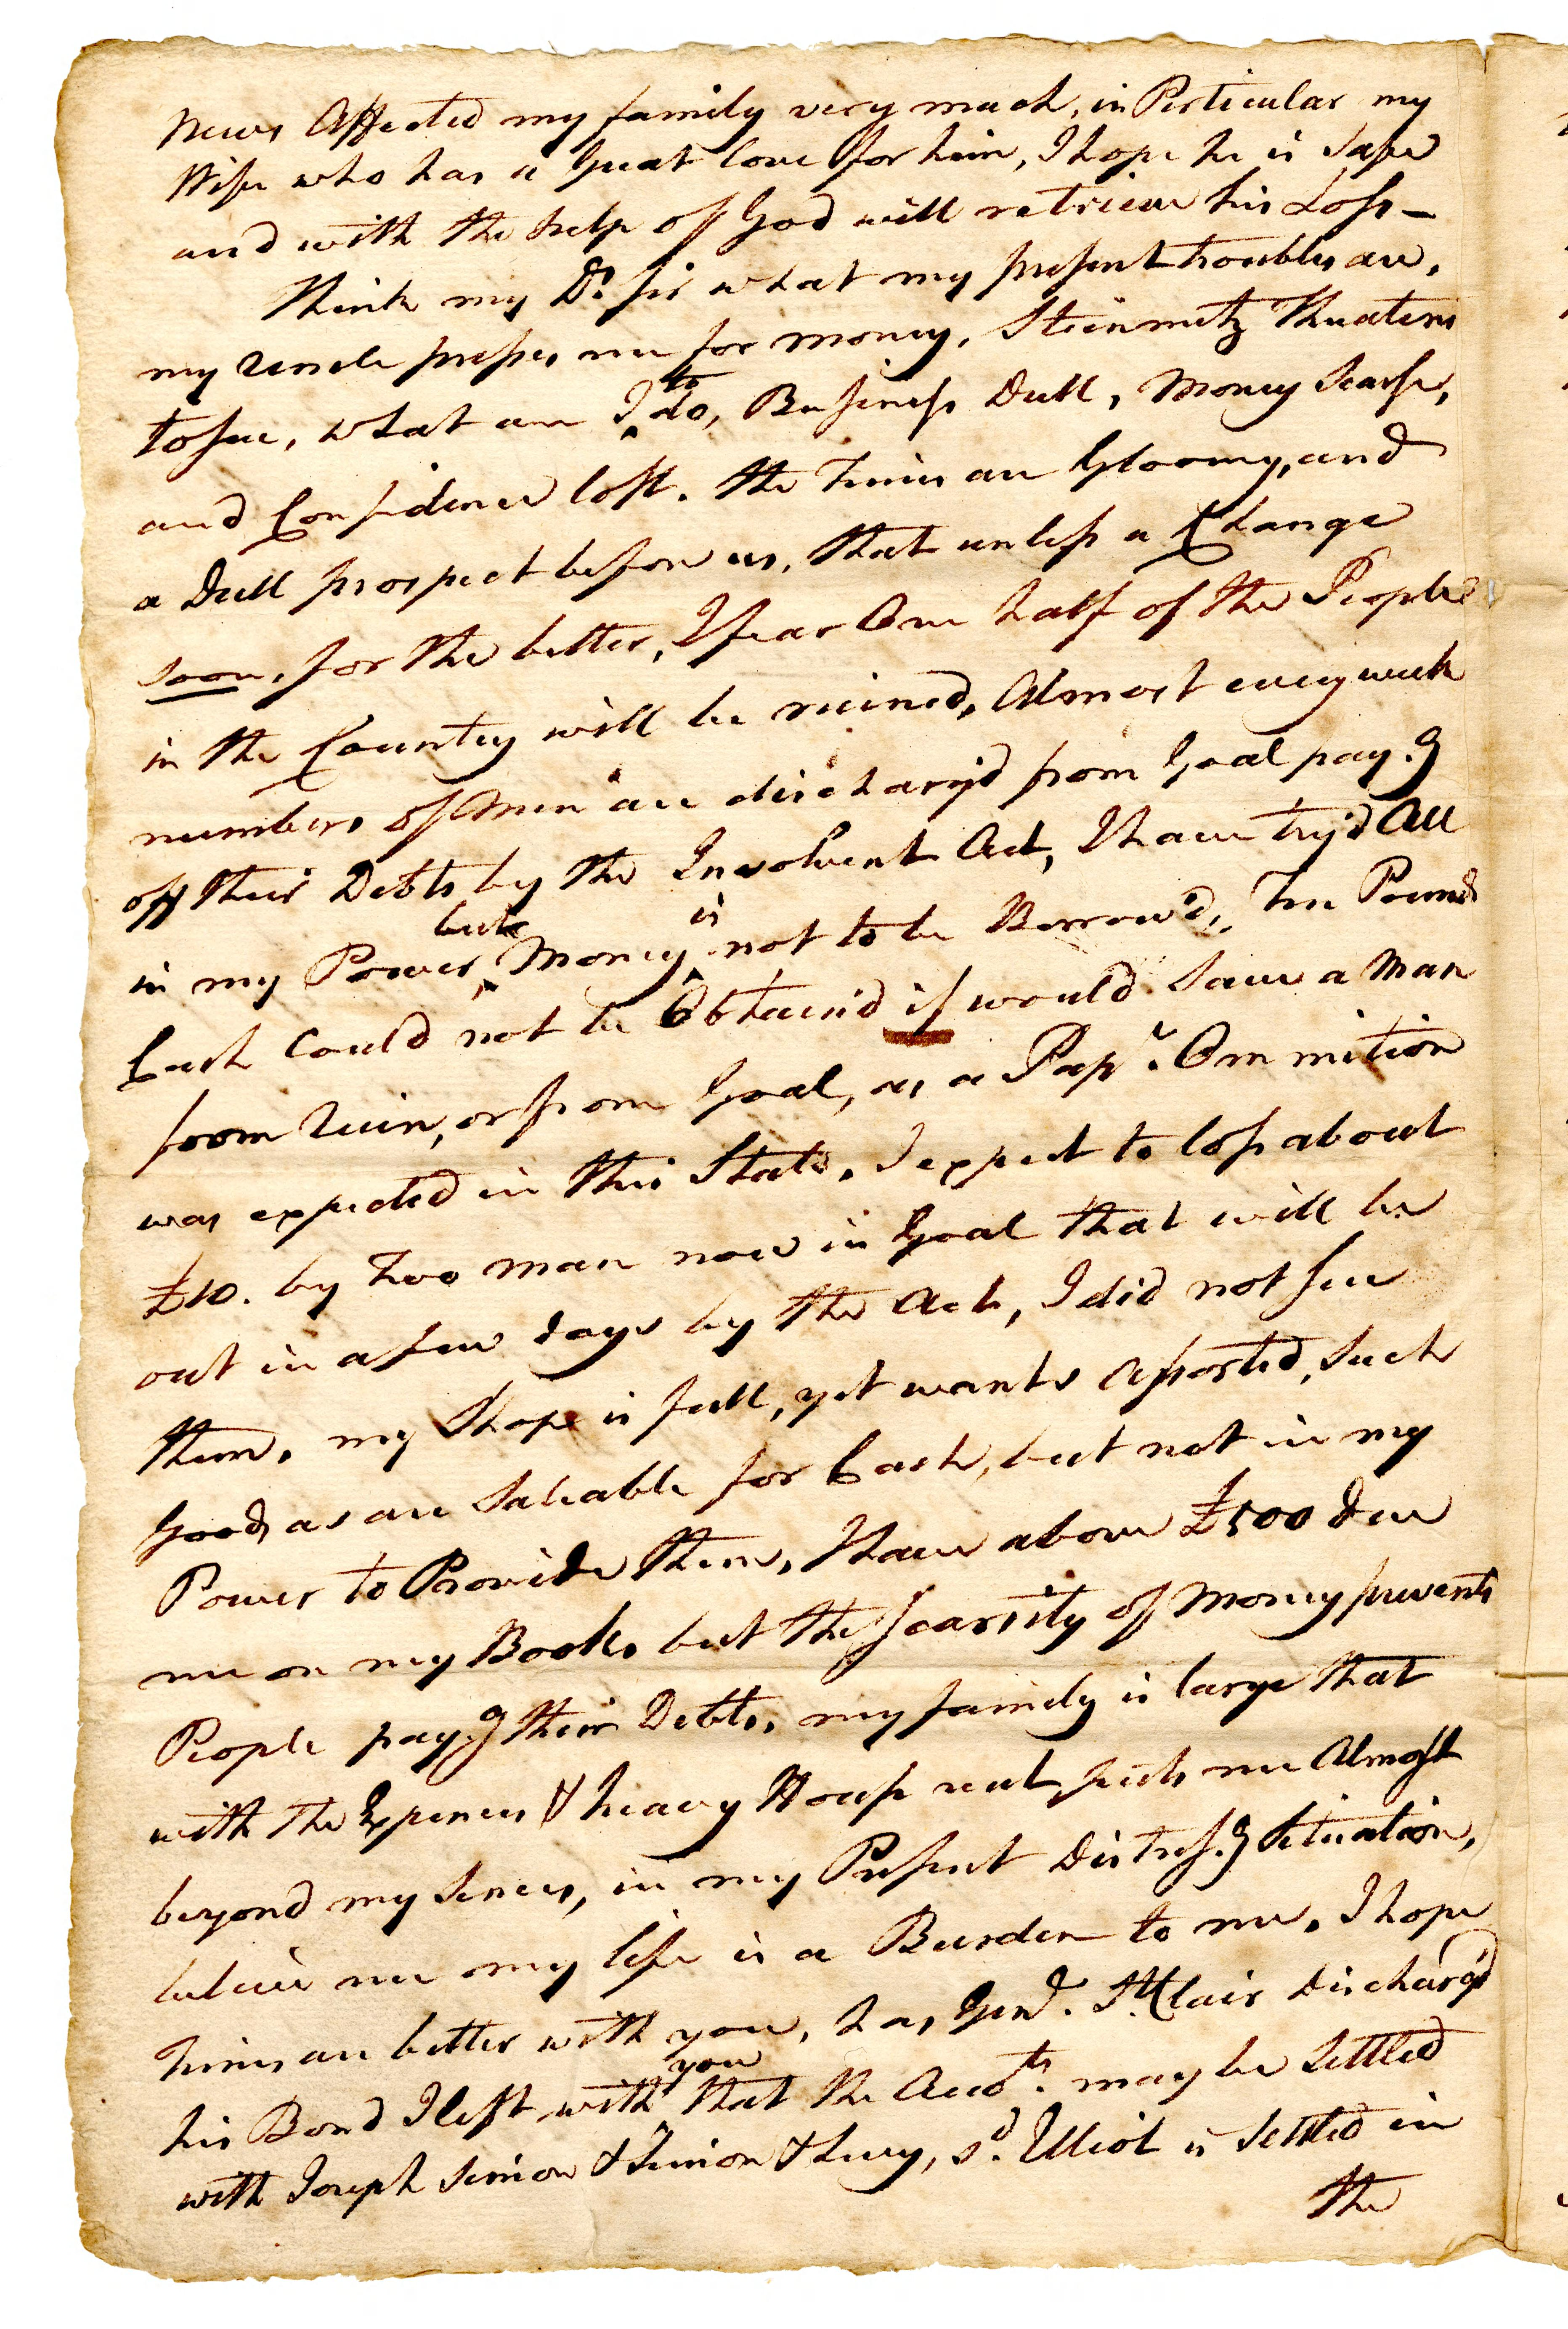news affected my family very much, in Particular my
Wife who has a great care for him, I hope he is safe
and with the help of god will retrieve his Loss.-
Think my D^r. sir what my present troubles are,
my uncle presses me for money, Stienmetz threatens
to sue, & what am I do, Business Dull, Money Scarse,
and Confidence lost. the times are Gloomy, and
a Dull prospect before us, that unless a change
soon for the better, I fear am half of the People
in the Country will be ruined, Almost every week
numbers of men are discharg'd from Gaol pay^g.
off their Debts by the Insolvent Act, I have try'd all
back
is
in my Power Money ^ not to be Borrowd. The Penn^a
Cash could not be obtain'd if would save a man
from ruin, or from Gaol, as a Pap^r. Omnition
was expected in this State, I expect to loss about
£10. by Two men now in Gaol that will be
out in a few days by the Act, I did not sue
them, my shope is full, yet wants assorted, such
Goods as are Saleable for Cash, but not in my
Power to Provide thems, I have about £500 due
me on my Books but the Scarsity of money prevents
People pay ^g their Debts, my family is large that
with the Expenses & heavy House expects me Almost
beyond my Sences, in my Present distres^g. situation,
believe me my life is a Burden to me, I hope
times are better with you, has Gen^l. S^t. Clair dischargd
you
his Bond I left with ^ that the Acco^t may be settled
with Joseph Simon & Simon & Lucy, s^d. Elliot is settled in
the